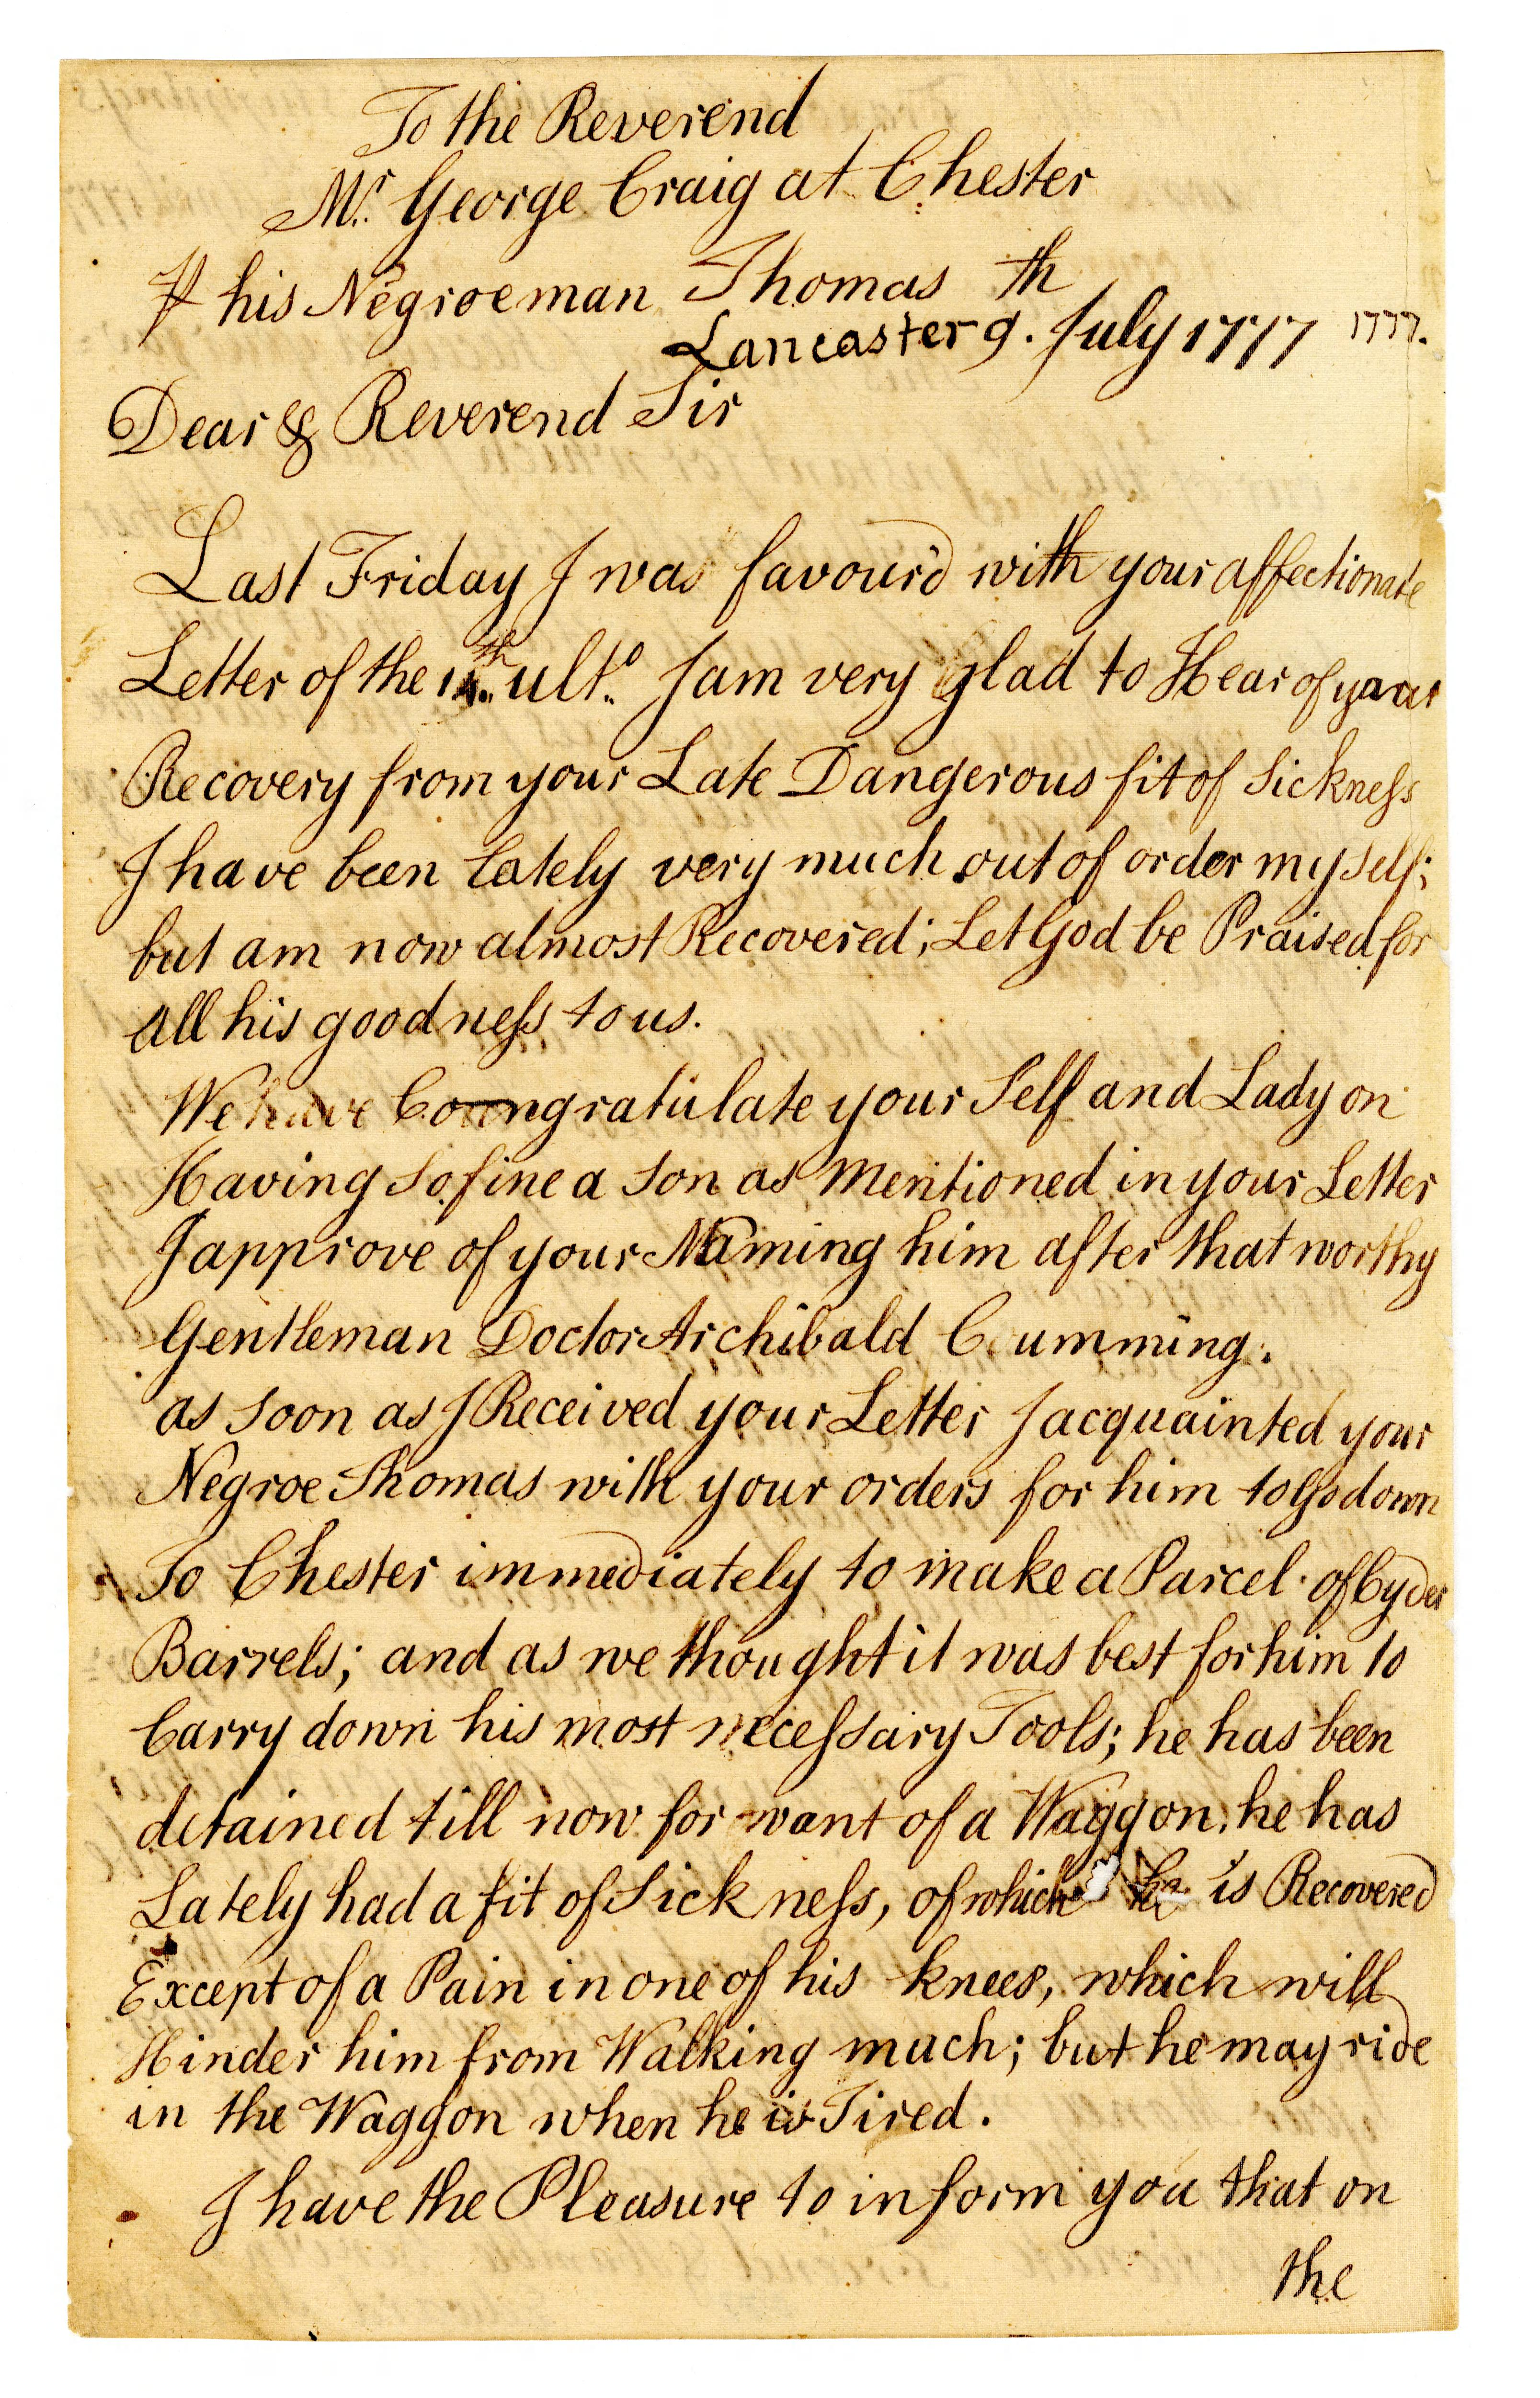To the Reverend
M^r. George Craig at Chester
per his Negroeman Thomas
th
Lancaster 9. July 1777 1777.
Dear & Reverend Sir
Last Friday I was favour'd with your affectionate
Letter of the 14^th. ult^o. I am very glad to Hear of your
Recovery from your Late Dangerous fit of Sickness
I have been lately very much out of order myself;
but am now almost Recovered; Let God be Praised for
All his goodness to us.
We have Congratulate Your Self and Lady on
Having So fine a son as Mentioned in Your Letter,
I approve of Your Naming him after that worthy
Gentleman Doctor Archibald Cumming.
As soon as I Received Your Letter I acquainted your
Negroe Thomas with Your orders for him to Go down
To Chester immediately to make a Parcel of Cyder
Barrels; and as we thought it was best for him to
Carry down his most necessary Tools; he has been
detained till now for want of a Waggon, he has
Lately had a fit of Sickness, of which he is Recovered
Except of a Pain in one of his knees, which will
Hinder him from Walking much; but he may ride
in the Waggon when he is Tired.
If have the Pleasure to inform you that on
the